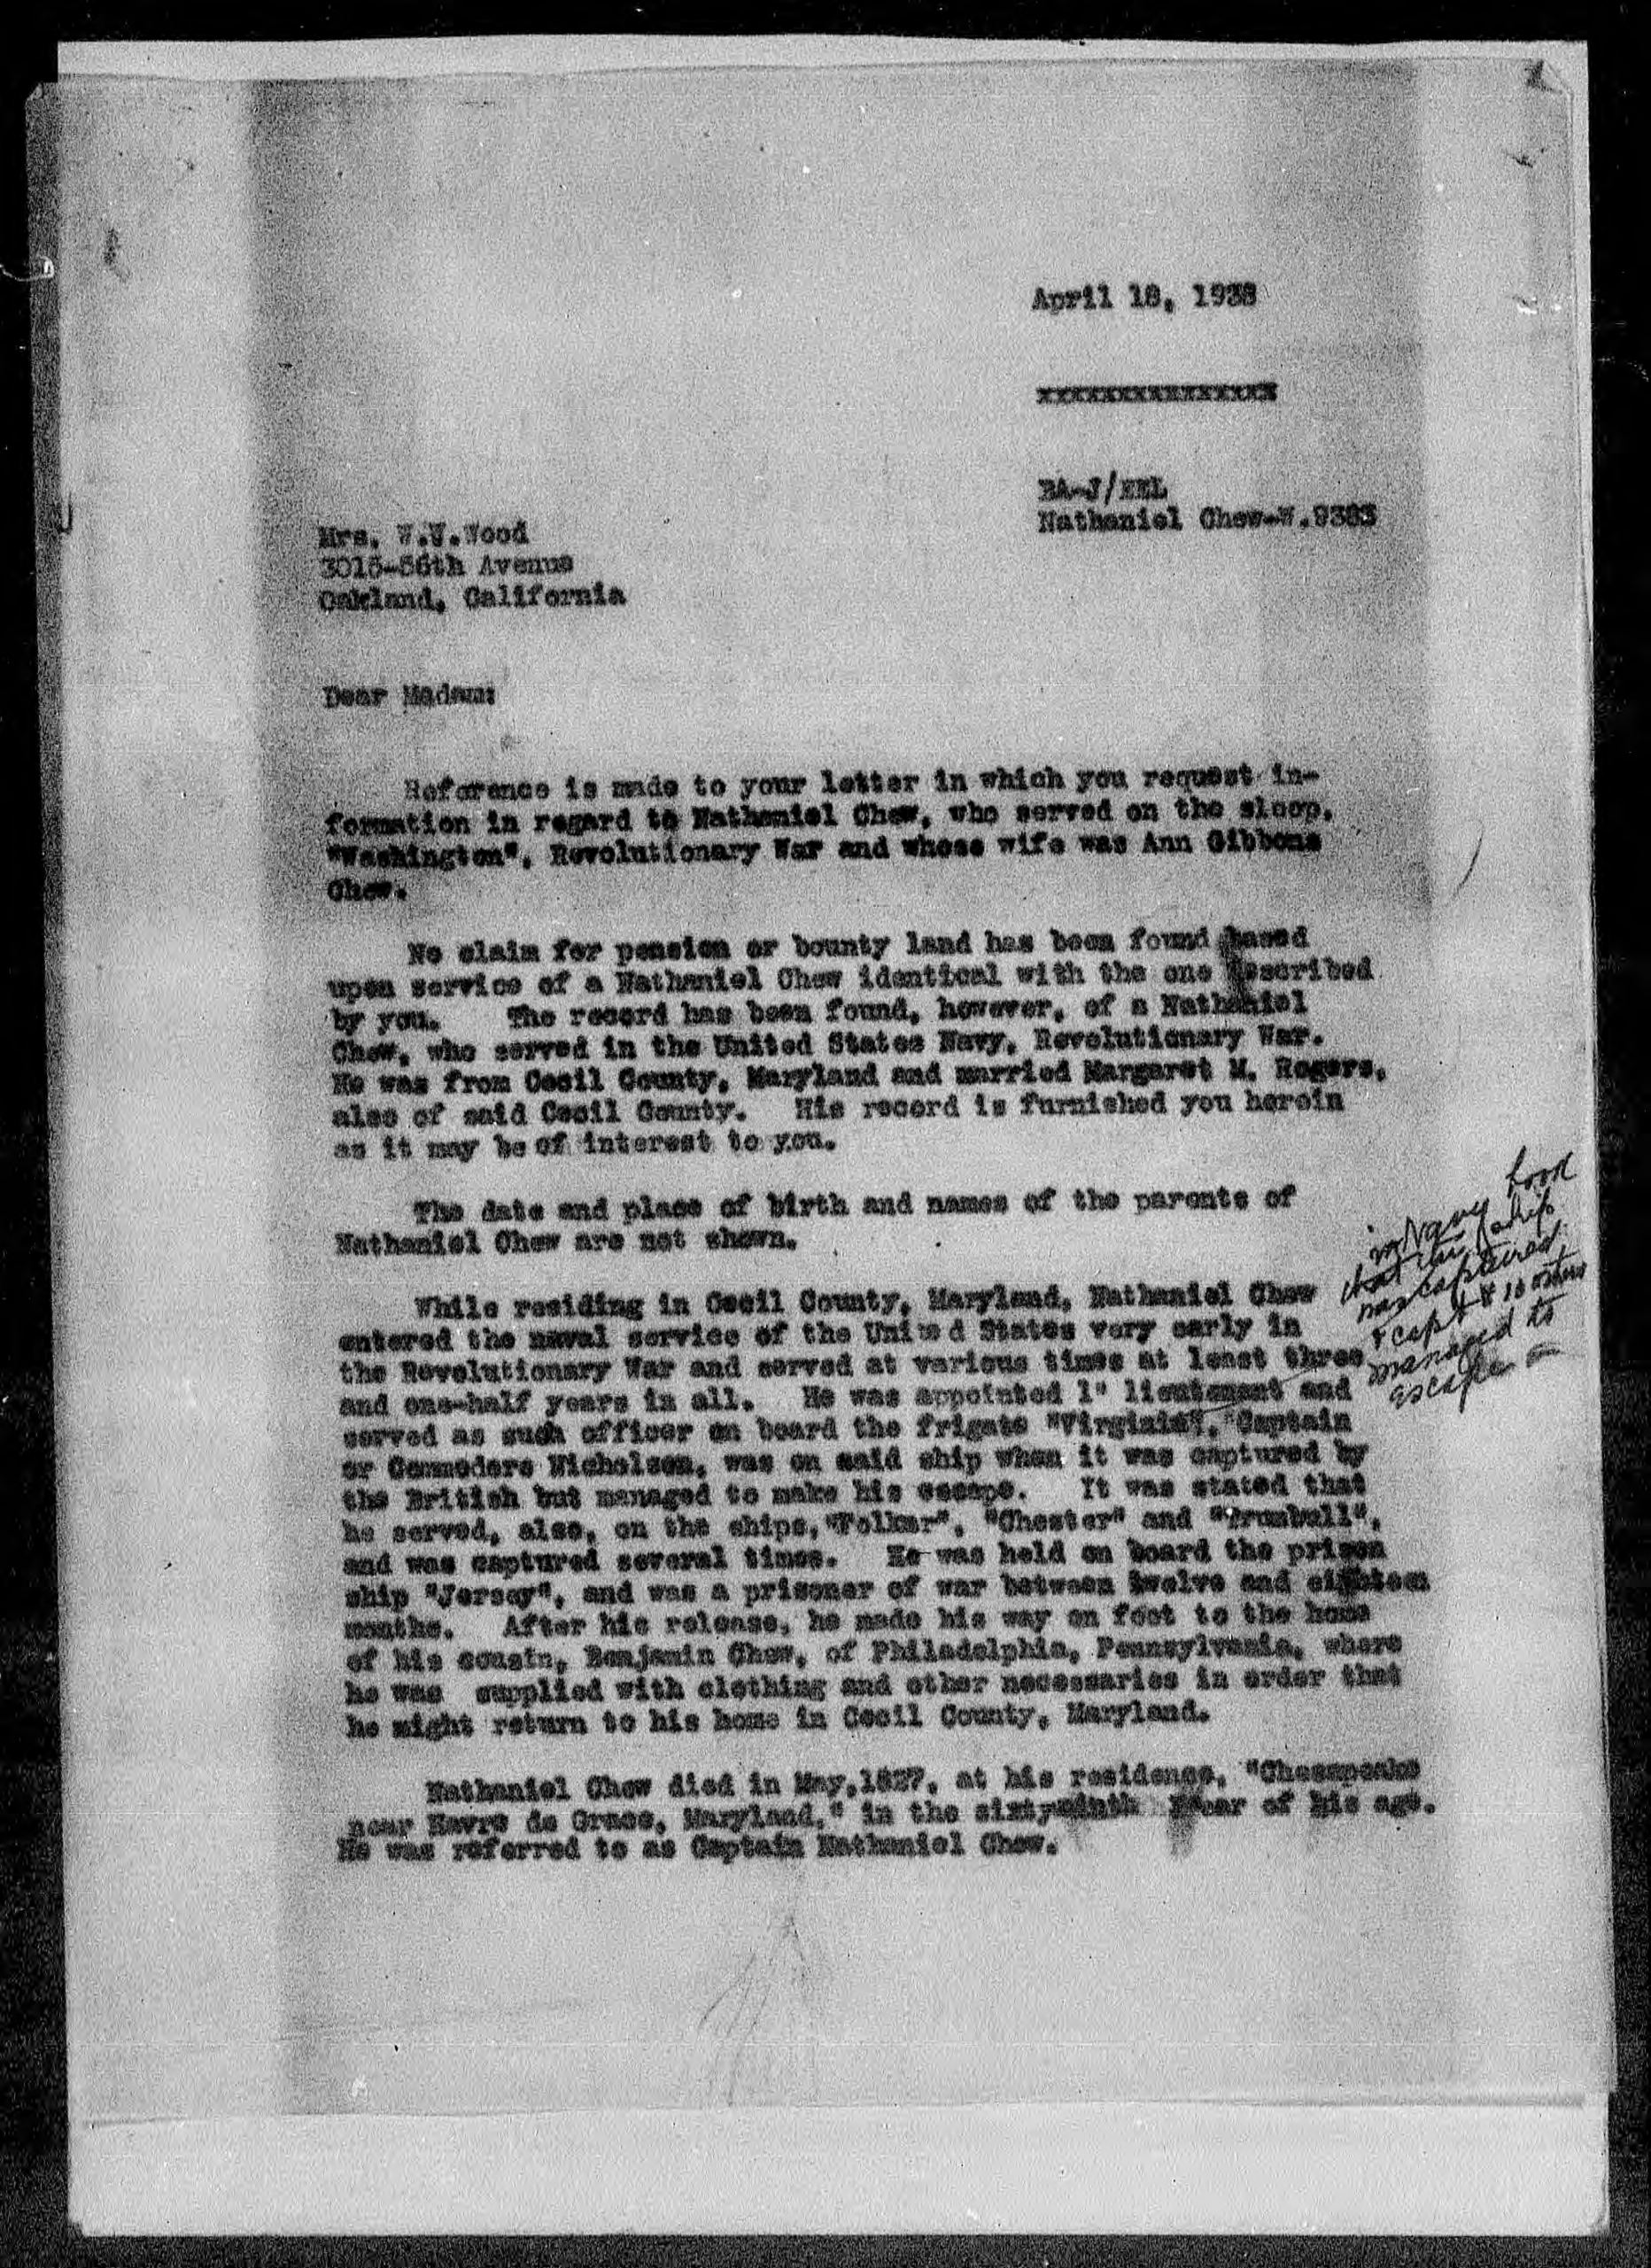April 18, 1938
xxxxxxxxxxxxx

BA-J/EEL
Nathaniel Chew-W.9383

Mrs. W.W. Wood
3015-56th Avenue
Oakland, California

Dear Madam:

Reference is made to you letter in which you request in-
formation in regard to Nathaniel Chew, who served on the sloop,
"Washington", Revolutionary War and whose wife was Ann Gibbons 
Chew.

No claim for pension or bounty land has been found based
upon service of a Nathaniel Chew identical to the one described
by you.  The record has been found, however, of a Nathaniel
Chew, who served in the United States Navy, Revolutionary War.
He was from Cecil County, Maryland and married Margaret M. Rogers,
also of said Cecil County.  His record is furnished you herein
as it my be of interest to you.

The date and place of birth and names of the parents of
Nathaniel Chew are not shown.

While residing in Cecil County, Maryland, Nathaniel Chew
entered the naval service of the United States Navy very early in
the Revolutionary War and served at various times at least three
and one-half years in all.  He was appointed 1" lieutenant and
served as such officer on board the frigate "Virginia," [The following note 
written in left margin: in Navy book that this ship was captured
& Capt. & 10 others managed to escape] Captain
or Commodore Nicholson, was on said ship when it was captured by
the British but managed to make his escape.  It was stated that
he served, also, on the ships, "Folker", "Chester", and "Trumball",
and was captured several times.  He was held on board the prison
ship "Jersey", and was a prisoner of war between twelve and eighteen
months.  After his release, he made his way on foot to the home
of his cousin, Benjamin Chew, of Philadelphia, Pennsylvania, were
he was supplied with clothing and other necessities in order that
he might return to his home in Cecil County, Maryland.

Nathaniel Chew died in May, 1827, at his residence, "Chesapeake
near Havre de Grace, Maryland." in the sixty-ninth year of his age.
He was referred to as Captain Nathaniel Chew.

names: Nathaniel Chew, Ann Gibbons Chew, Nathaniel Chew, W W Wood, Nathaniel Chew, Benjamin Chew, Nathaniel Chew, Nicholson, Nathaniel Chew, Nathaniel Chew, Nathaniel Chew, Margaret M Rogers, Nathaniel Chew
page: 21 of 59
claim: widow's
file: W. 9383, Nathaniel Chew, Navy (Md.)